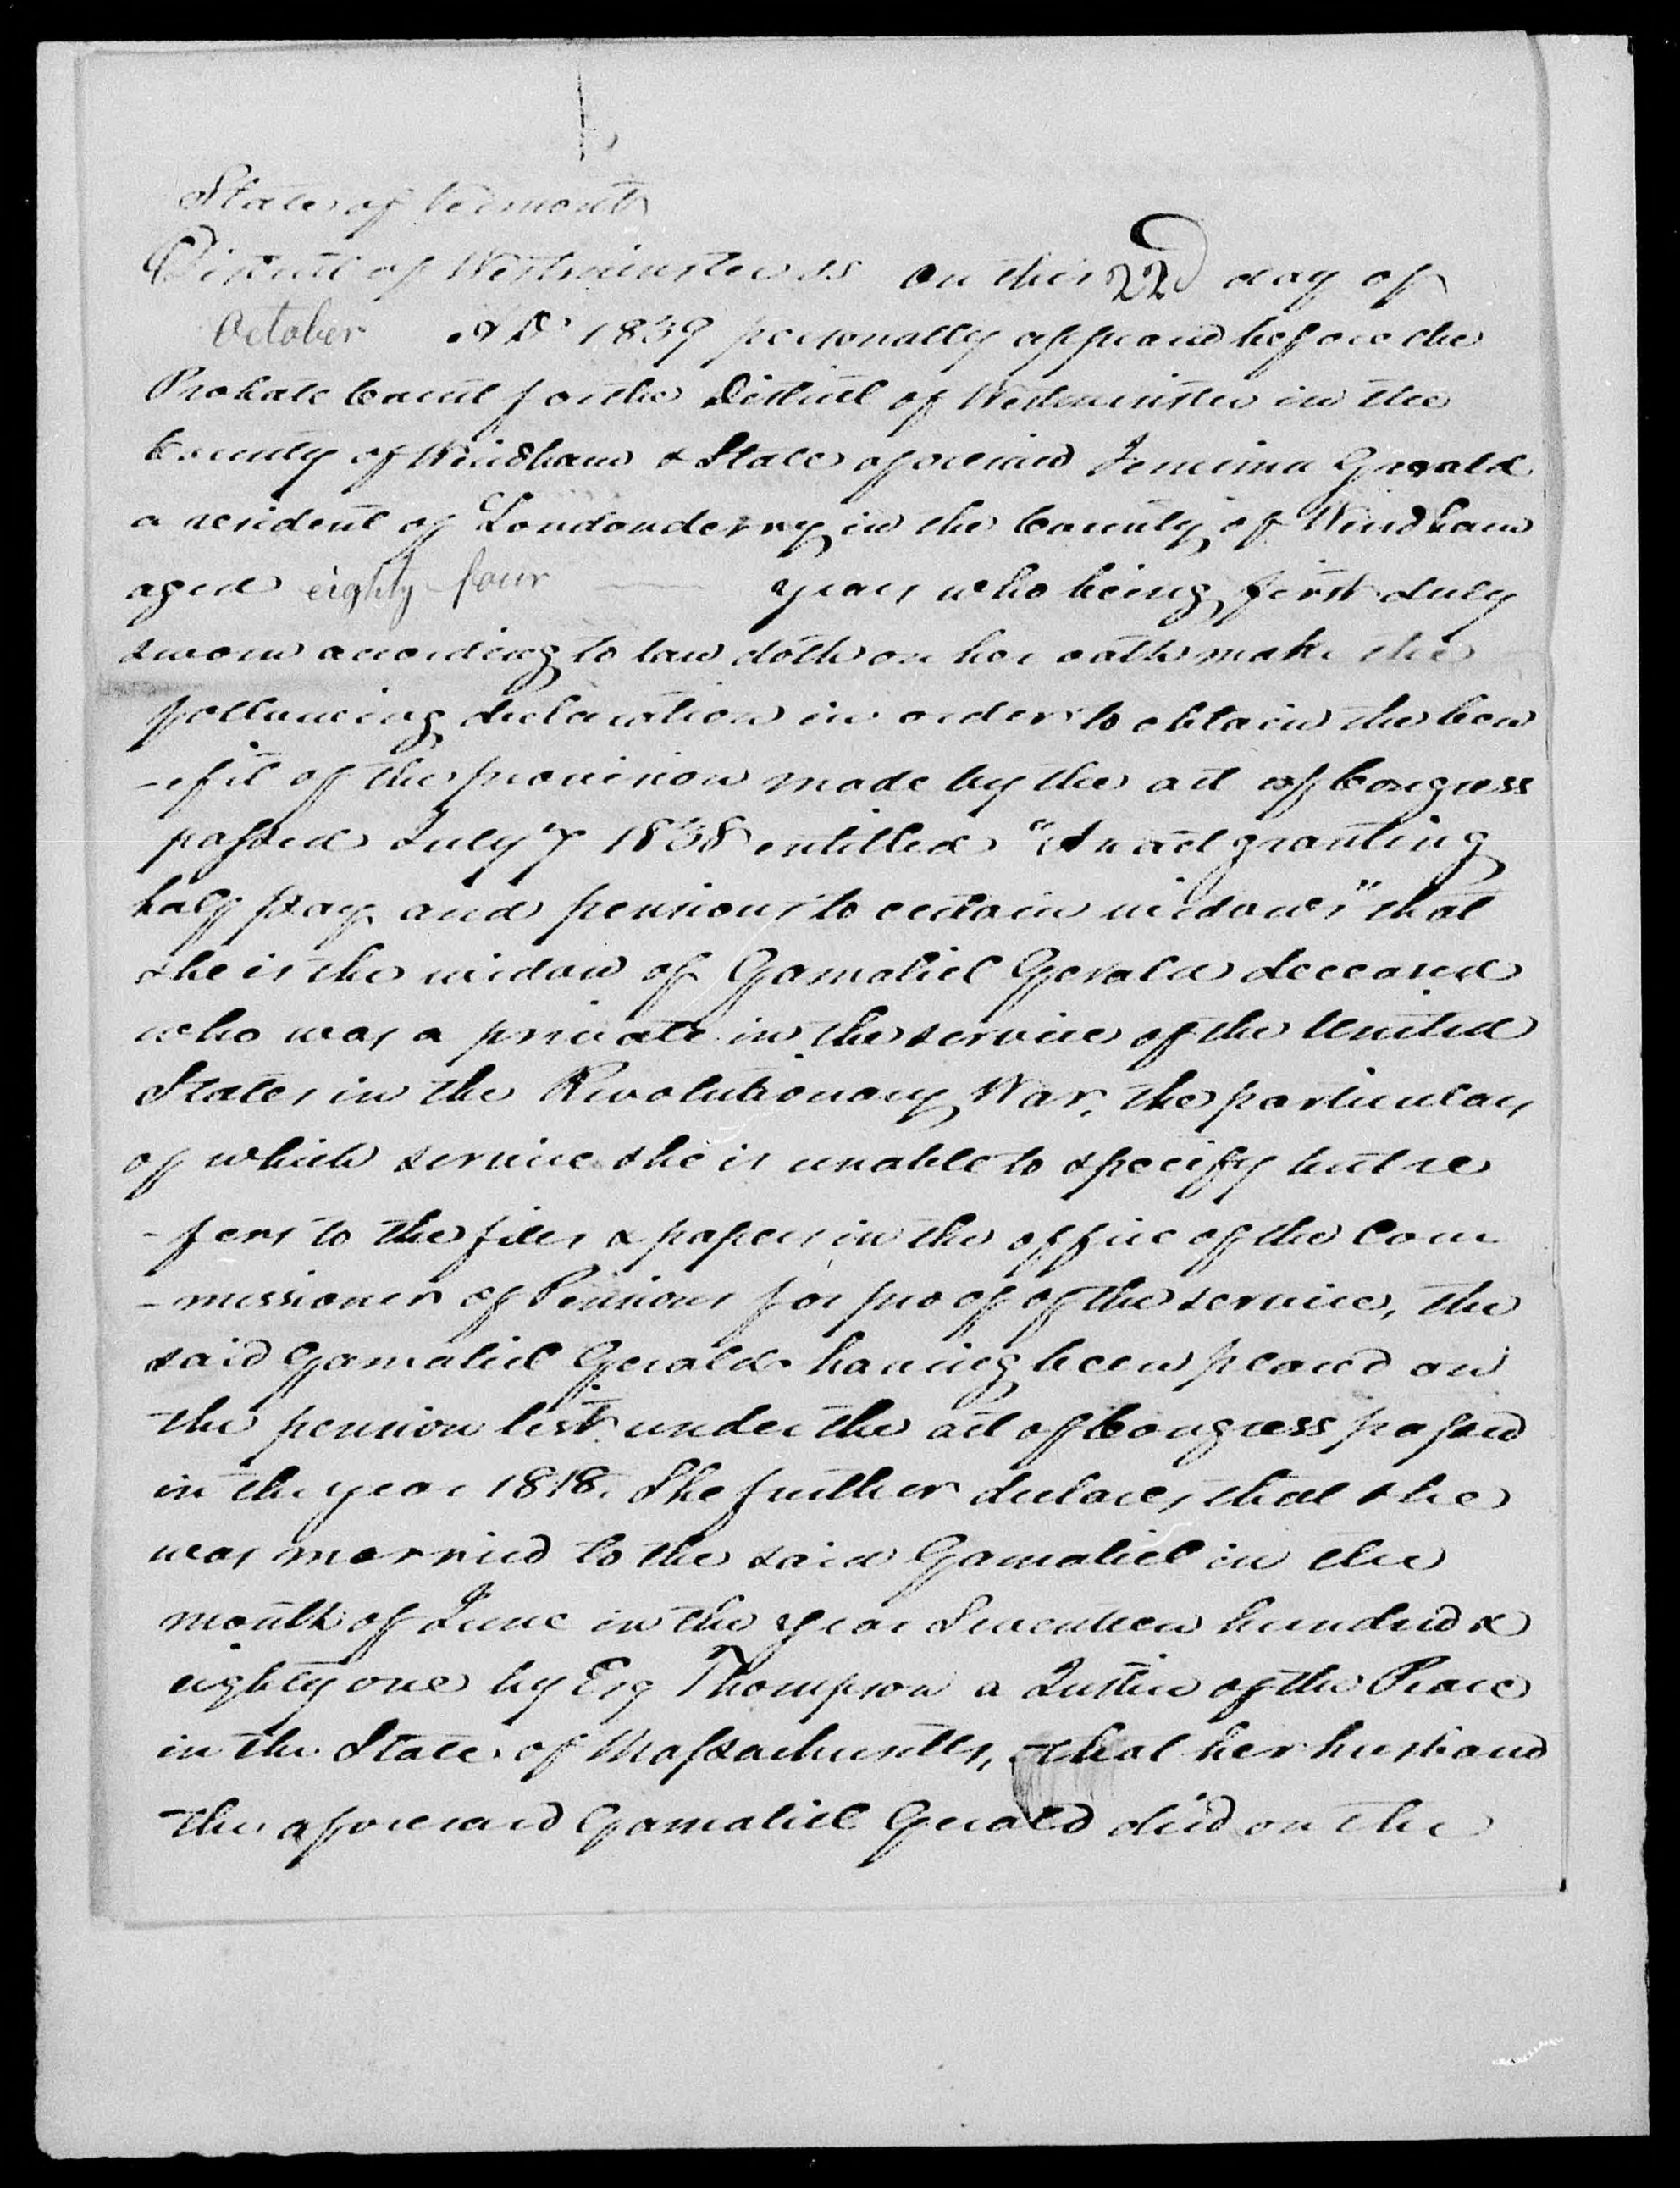State of Vermont 
District of Westminster ss 
On this 22d day of October AD 1839 personally appeared before the Probate Court for the District of Westminster in the County of Windham & State aforesaid Jemima Gerald a resident of Londonderry in the County of Windham aged eighty four years who being first duly sworn according to law doth on her oath make the following declaration in order to obtain the benefit of the provision made by the act of Congress passed July 7 1838 entitled "An act granting half pay and pensions to certain widows that she is the widow of Gamaliel Gerald deceased who was a private in the service of the United States in the Revolutionary War, the particulars of which service she is unable to specify but refers to the files & papers in the office of the commissioner of Pensions for proof of the service, the said Gamaliel Gerald having been placed on the pension list under the act of Congress passed in the year 1818. She further declares, that she was married to the said Gamaliel in the month of June in the year Seventeen hundred & eighty one by Esq Thompson a Justice of the Peace in the State of Massachusetts, that her husband the aforesaid Gamaliel Gerald died on the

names: Thompson, Gamaliel Gerald, Gamaliel Gerald, Gamaliel Gerald, Gamaliel, Jemima Gerald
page: 17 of 26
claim: widow's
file: W. 25619, Gamaliel Gerald, Mass.